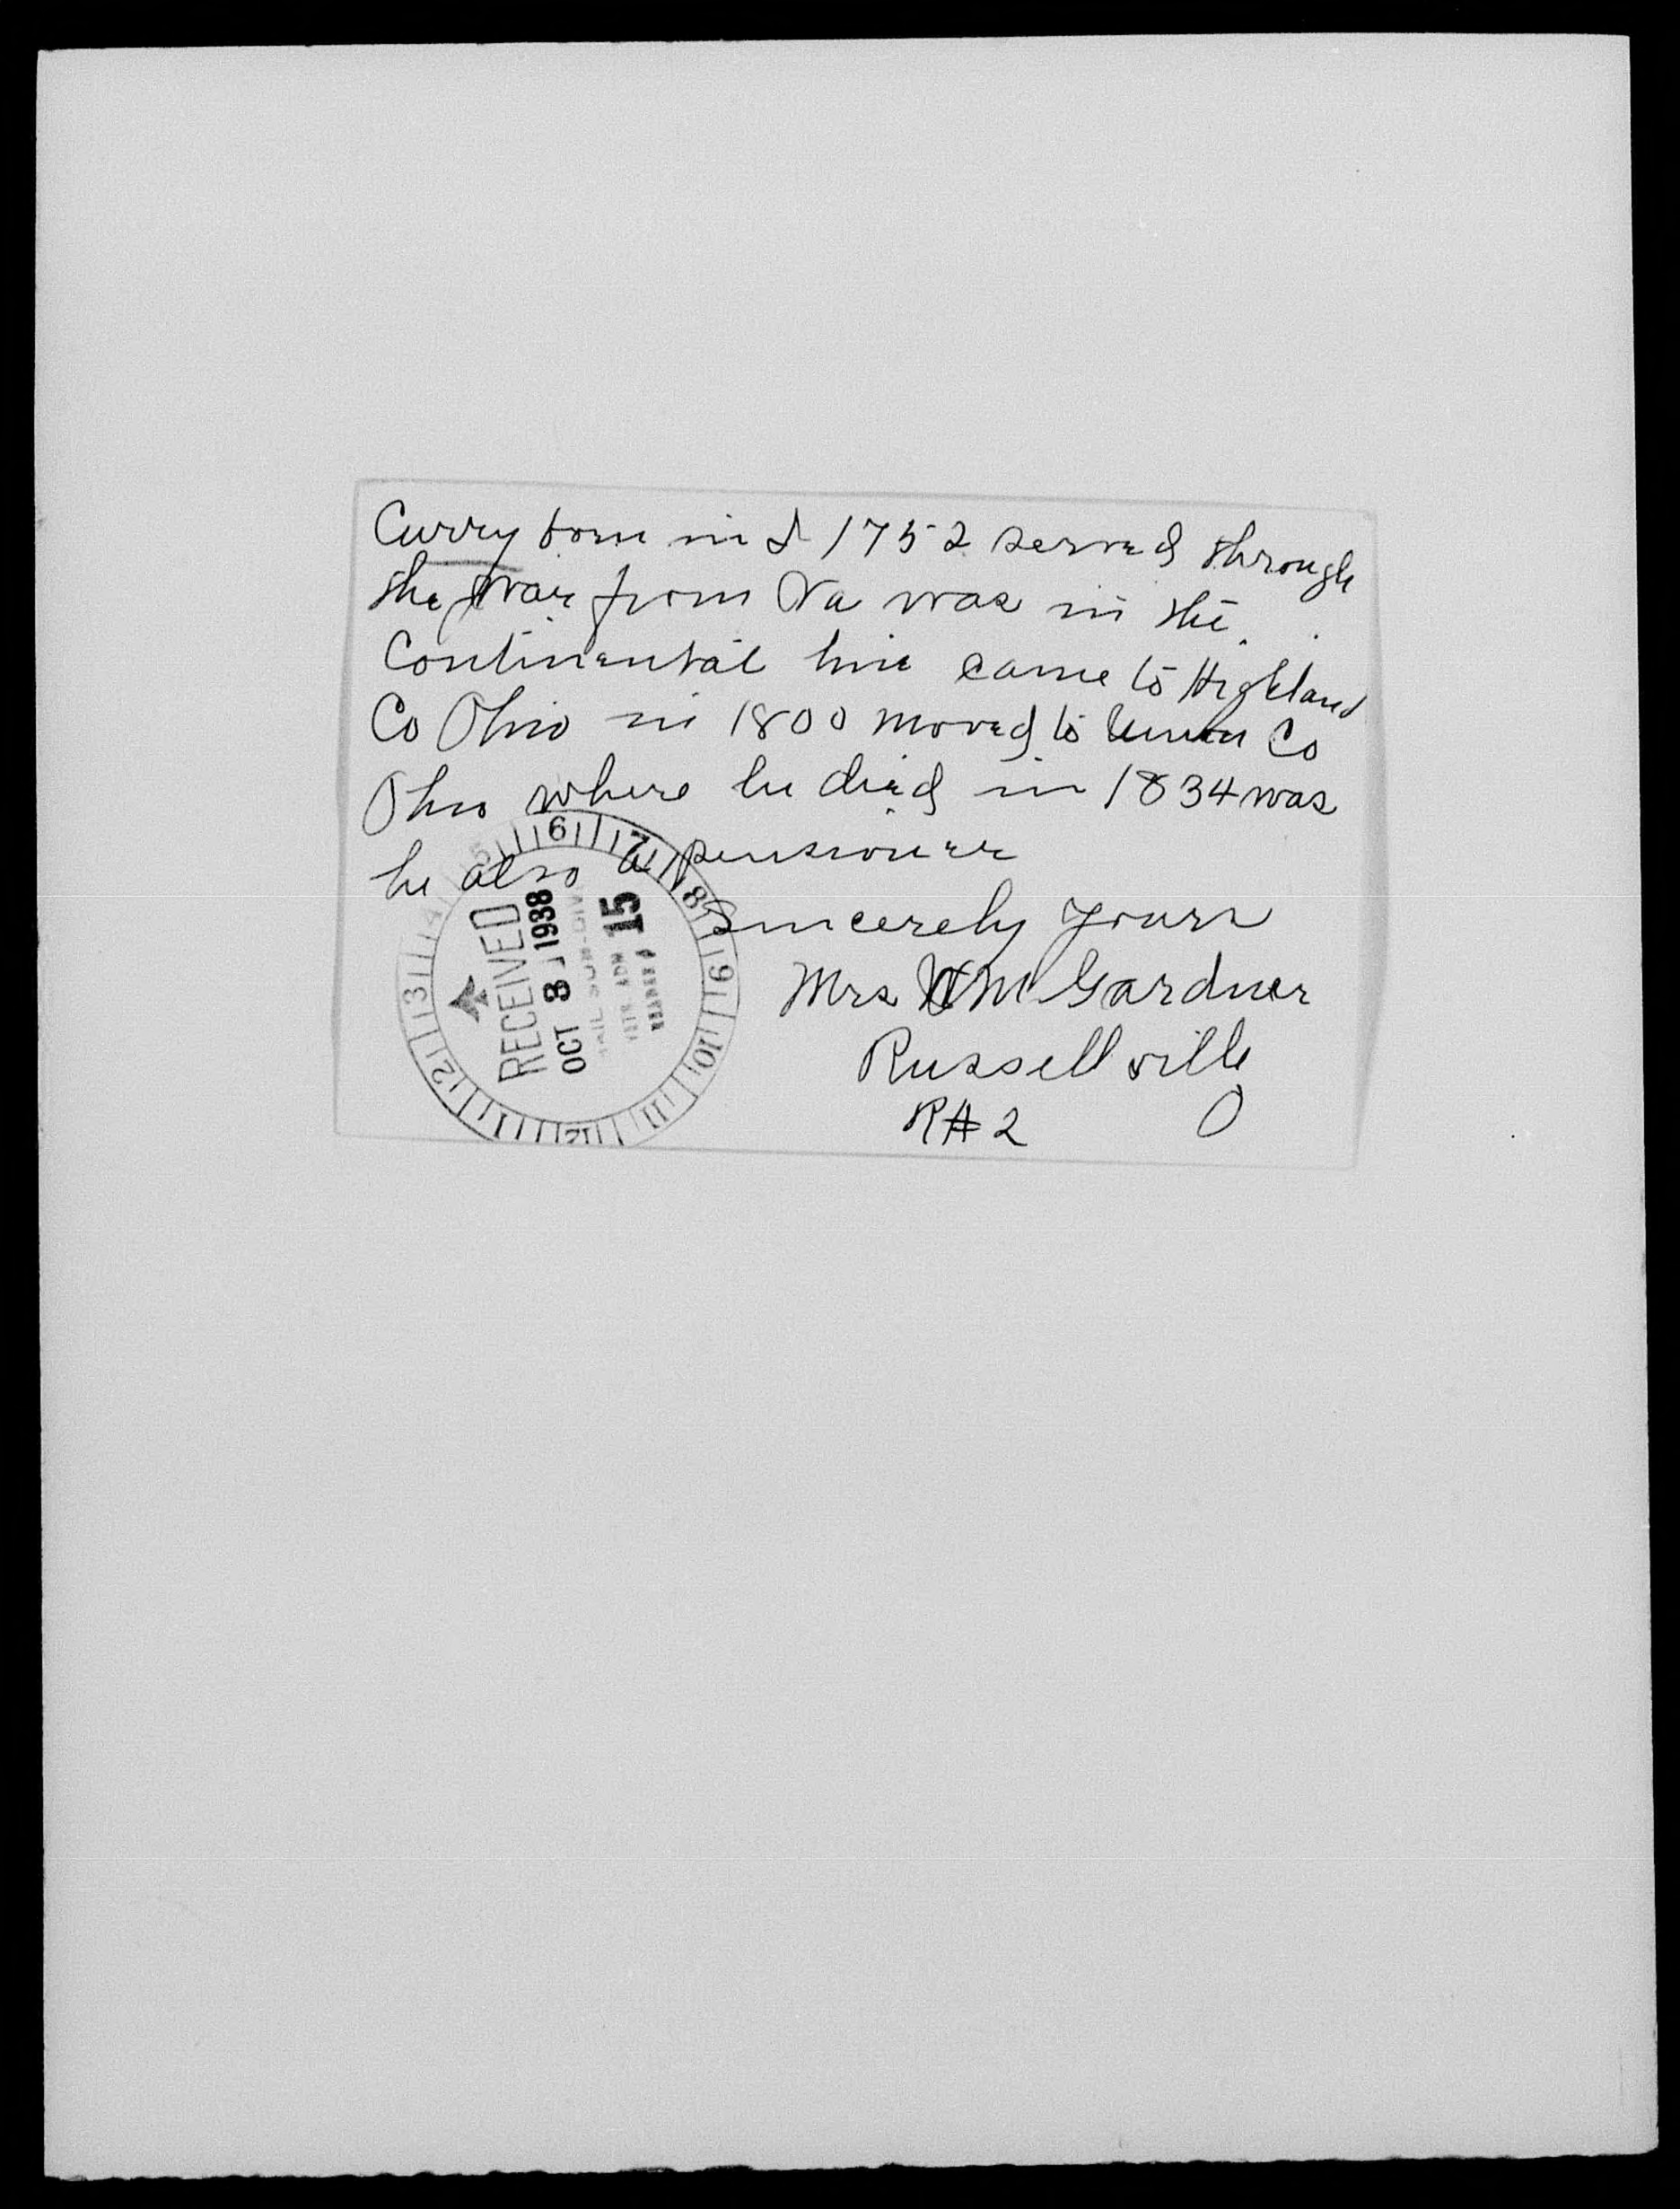Curry born in [illegible] 1752 served through
the war from Va was in the
Continental line came to Highland
Co Ohio in 1800 moved to him to
Union Co Ohio where he died in 1834 was 
he also a pensioner

Sincerely yours
Mrs WM Gardner
Russellville
R#2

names: Curry, Wm Gardner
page: 29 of 32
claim: survivor's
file: S. 44230, James Curry, Va.